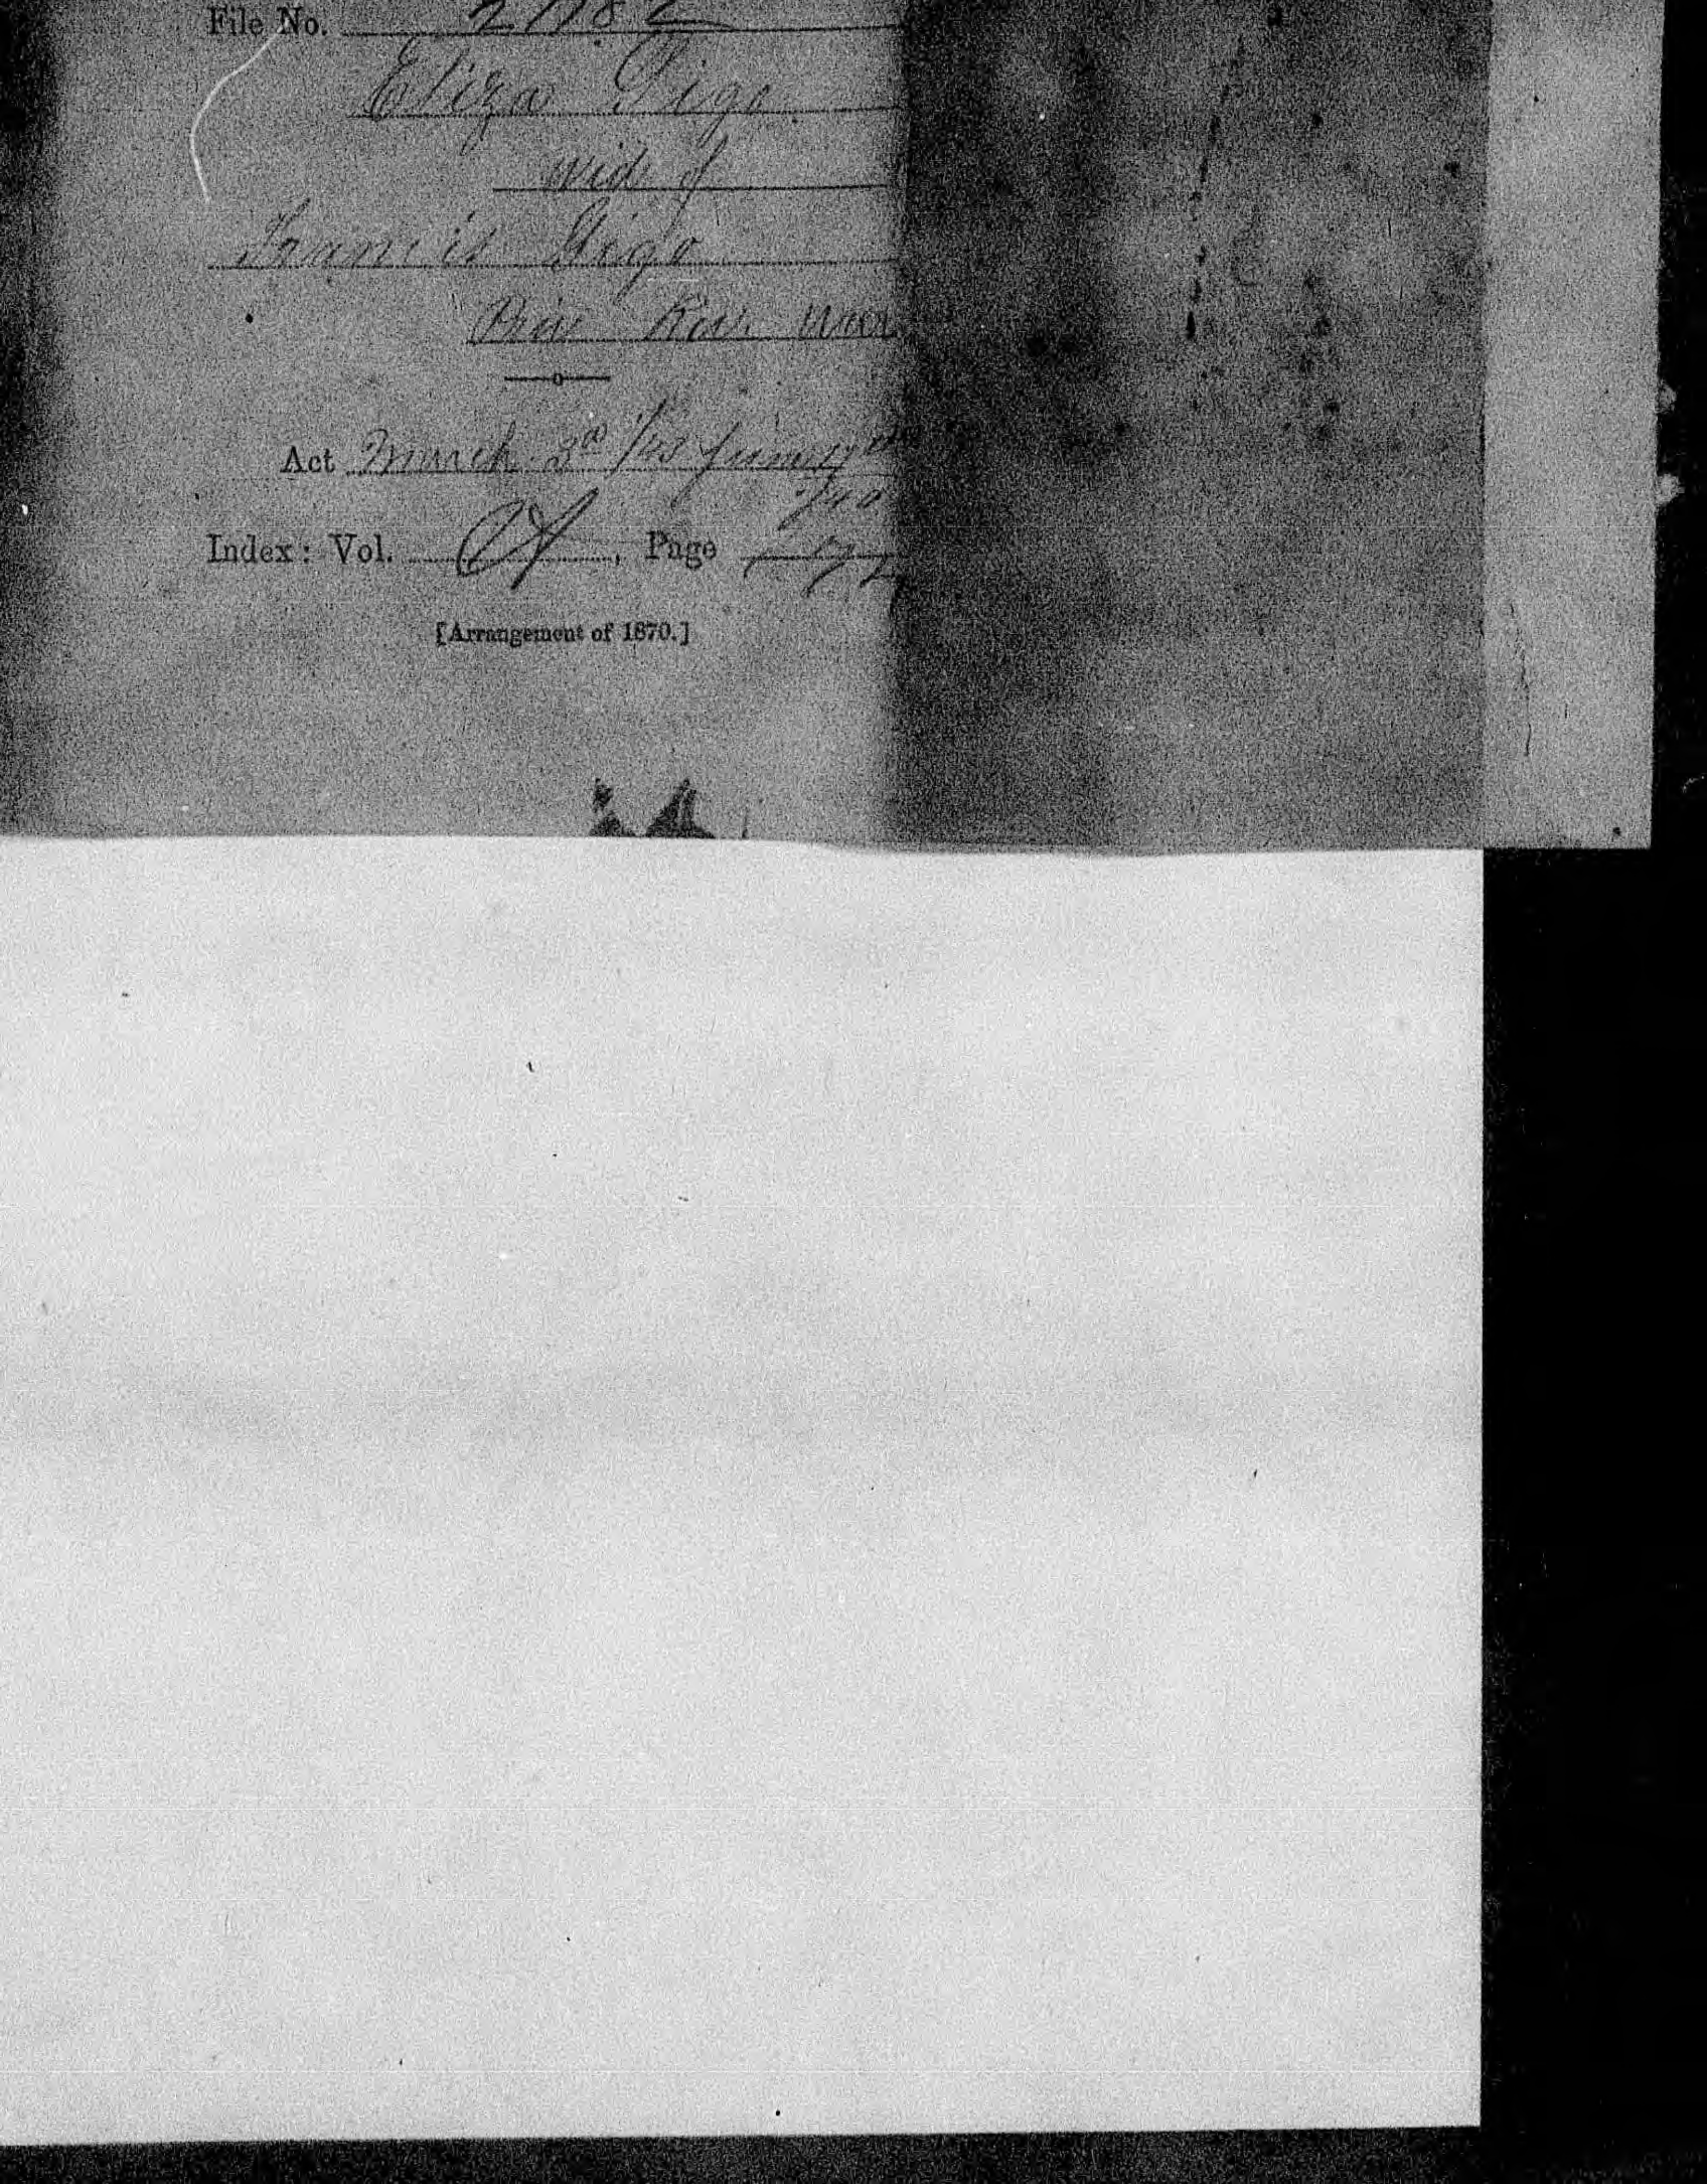File No. 21182
Eliza Gigo
Wid. of
Francis Gigo
Priv Rev. War
Act March 3rd /'43 Janay 17th (unreadable)
Index: Vol. A, Page 174
[Arrangement of 1870]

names: Francis Gigo, Eliza Gigo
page: 15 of 98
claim: widow's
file: W. 21182, Francis Gigo, Continental (Canadian)